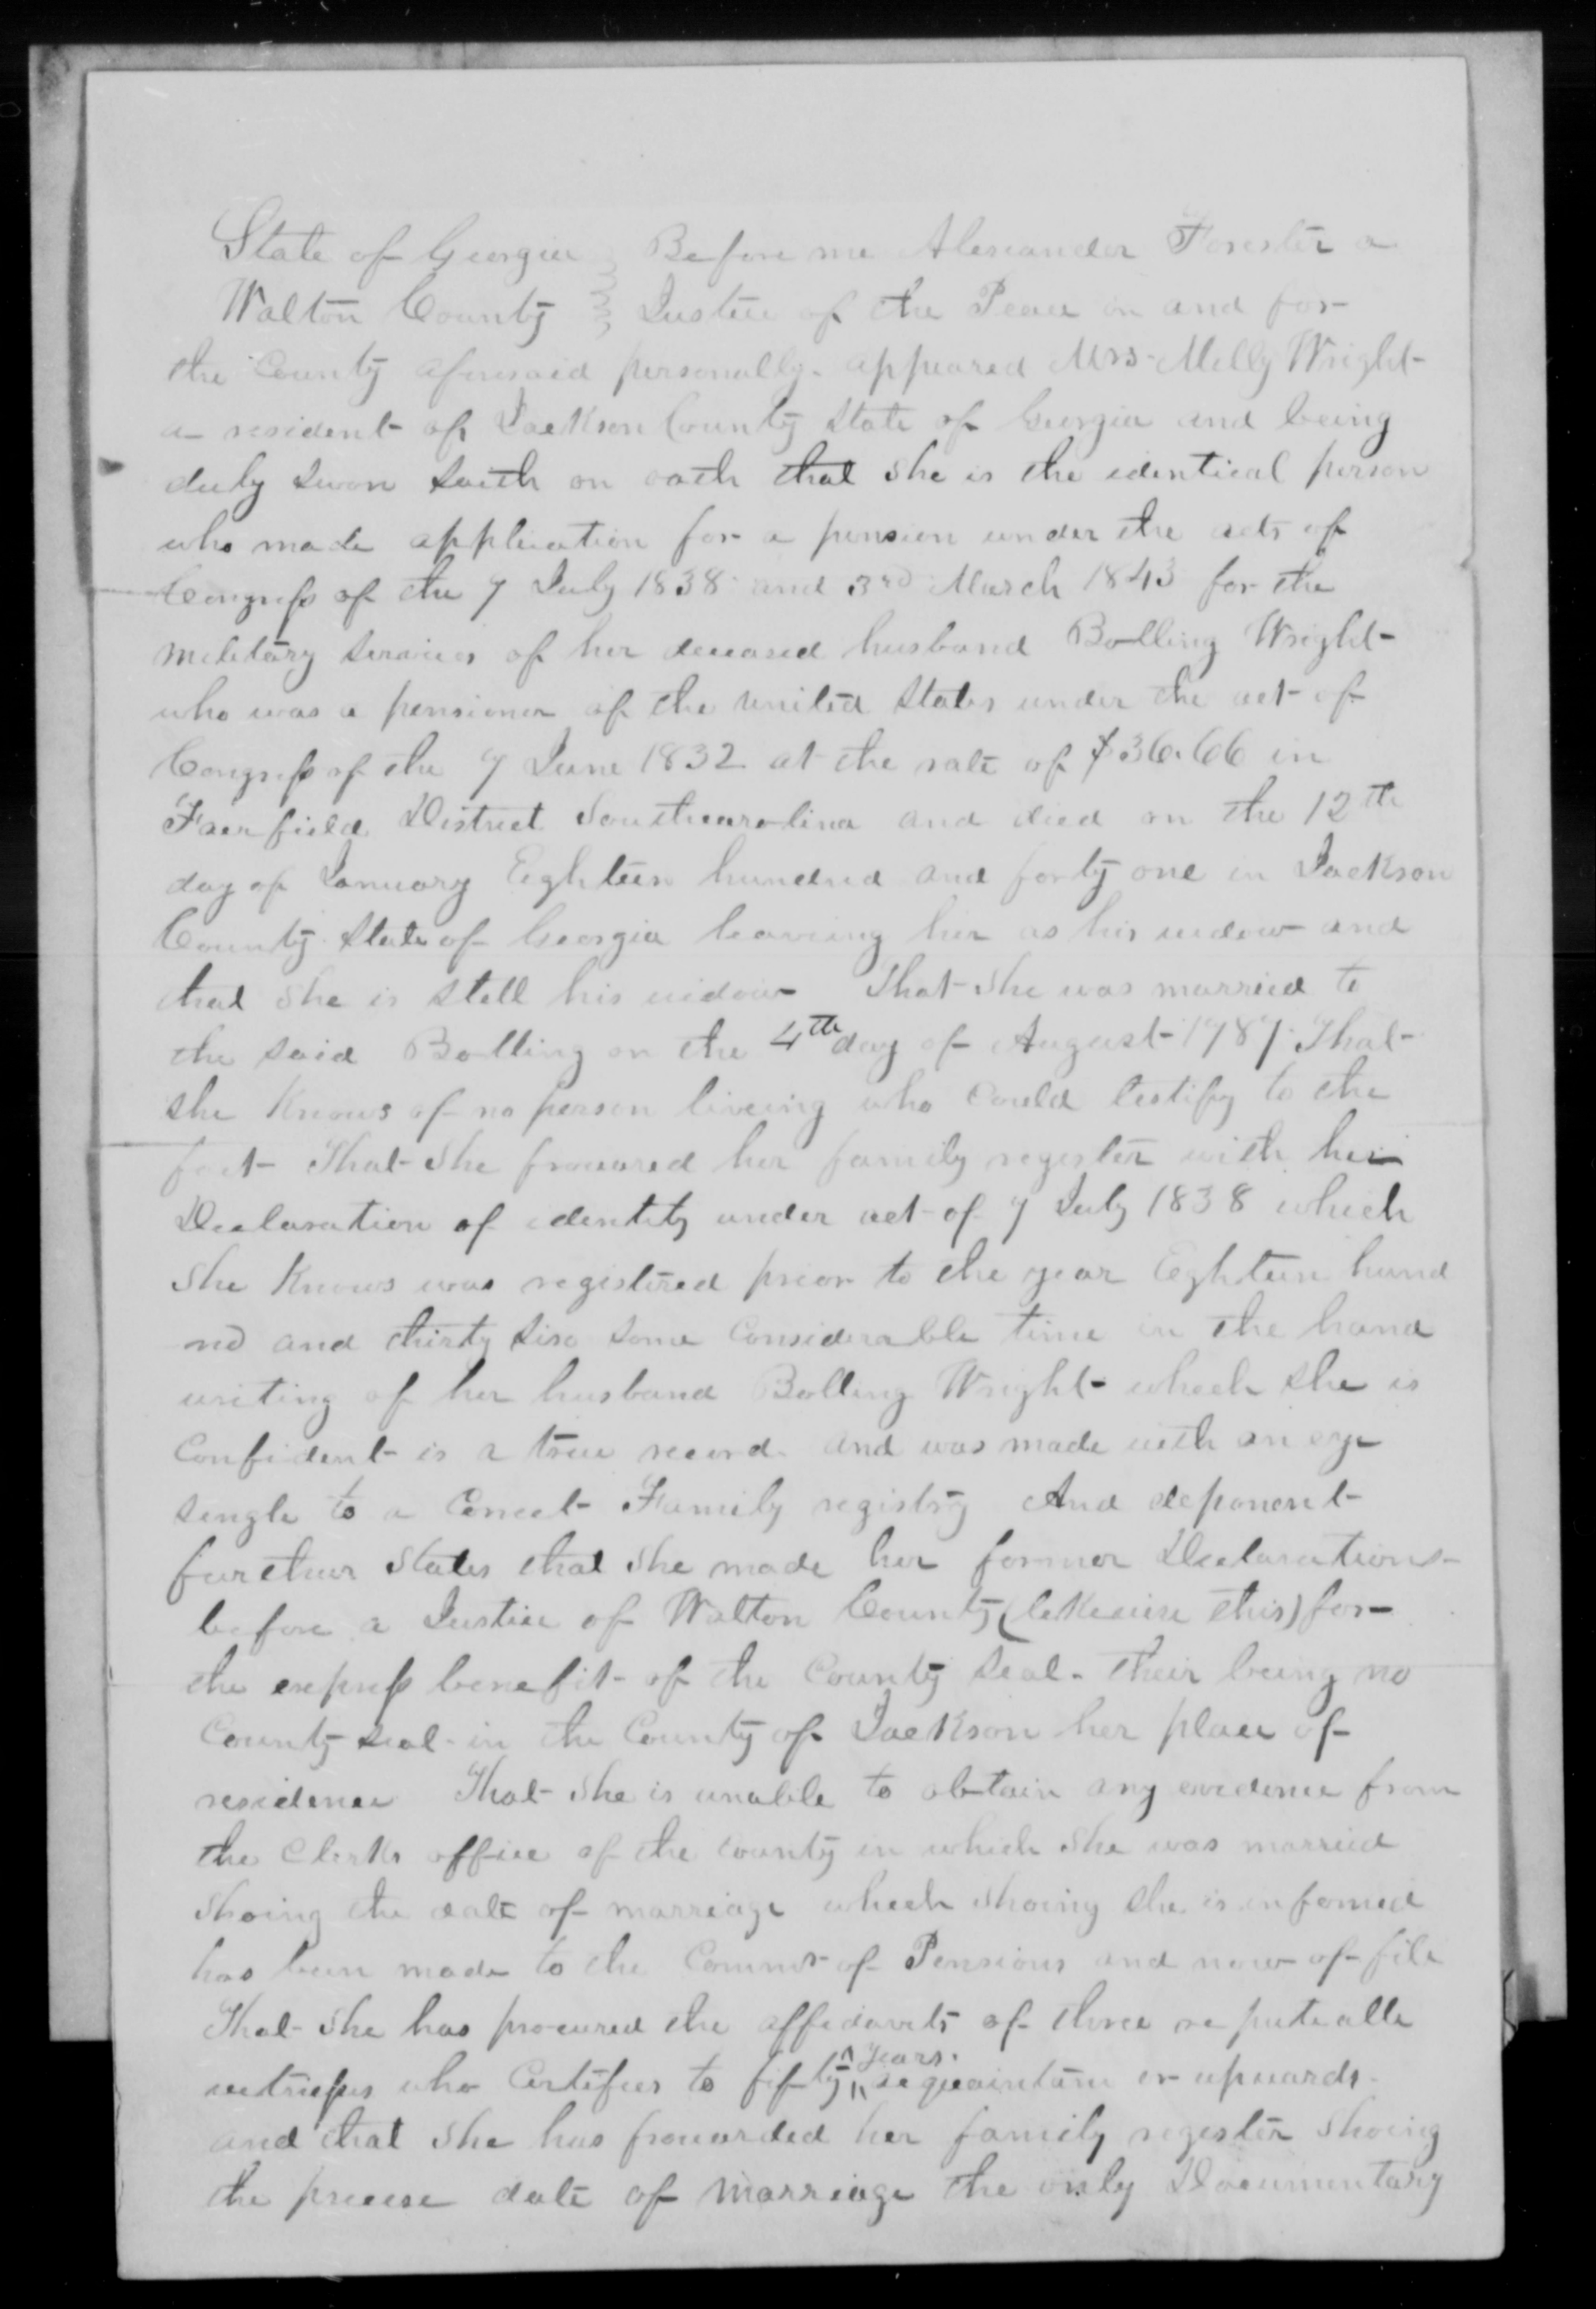[A duplicate document]
State of Georgia Before me Alexander Forester
Walton County ⎬Justice of the Peace in and for
the County aforesaid personally appeared Mrs Milly Wright
a resident of Jackson County State of Georgia and being
duly sworn saith on oath that she is the identical person
who made application for a pension under the acts of
Congress of the 7 July 1838 and 3 March 1843 for the
military services of her deceased husband Bolling Wright
who was a pensioner of the United States under the act of
Congress of the 7 June 1832 at the rate of $36.66 in
Fairfield District South Carolina and died on the 12th
day of January Eighteen hundred and forty one in Jackson
County State of Georgia having her as his widow and
that she is still his widow that she was married to
the said Bolling on the 4th day of August 1787. That
she knows of no person living who could testify to the
fact that she [illegible] her family register with her
Declaration of identity under act of 7 July 1838 which
she knows was registered prior to the year Eighteen hundred
and thirty six some considerable time in the hand
writing of her husband Bolling Wright which she is
confident is a true record and was made with an eye
single to a correct Family registry And deponent
further states that she made her former Declaration
before a Justice of Walton County (ILLEGIBLE this) for
the express benefit of the County seal. their being no
County seal in the County of Jackson her place of
residence that she is unable to obtain any evidence from
the Clerks office of the County in which she was married
Shoing the date of marriage which showing she is informed
has been made to the Commr of Pensions and now of file
That she has procured the affidavits of three reputable
witnesses who certifies to fifty [inserted: years] acquaintance or upwards
and that she has recorded her family register shoing
the precise date of marriage the only documentary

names: Alexander Forester, Milly Wright, Bolling Wright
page: 67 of 81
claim: widow's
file: W. 5183, Bolling Wright, Va.